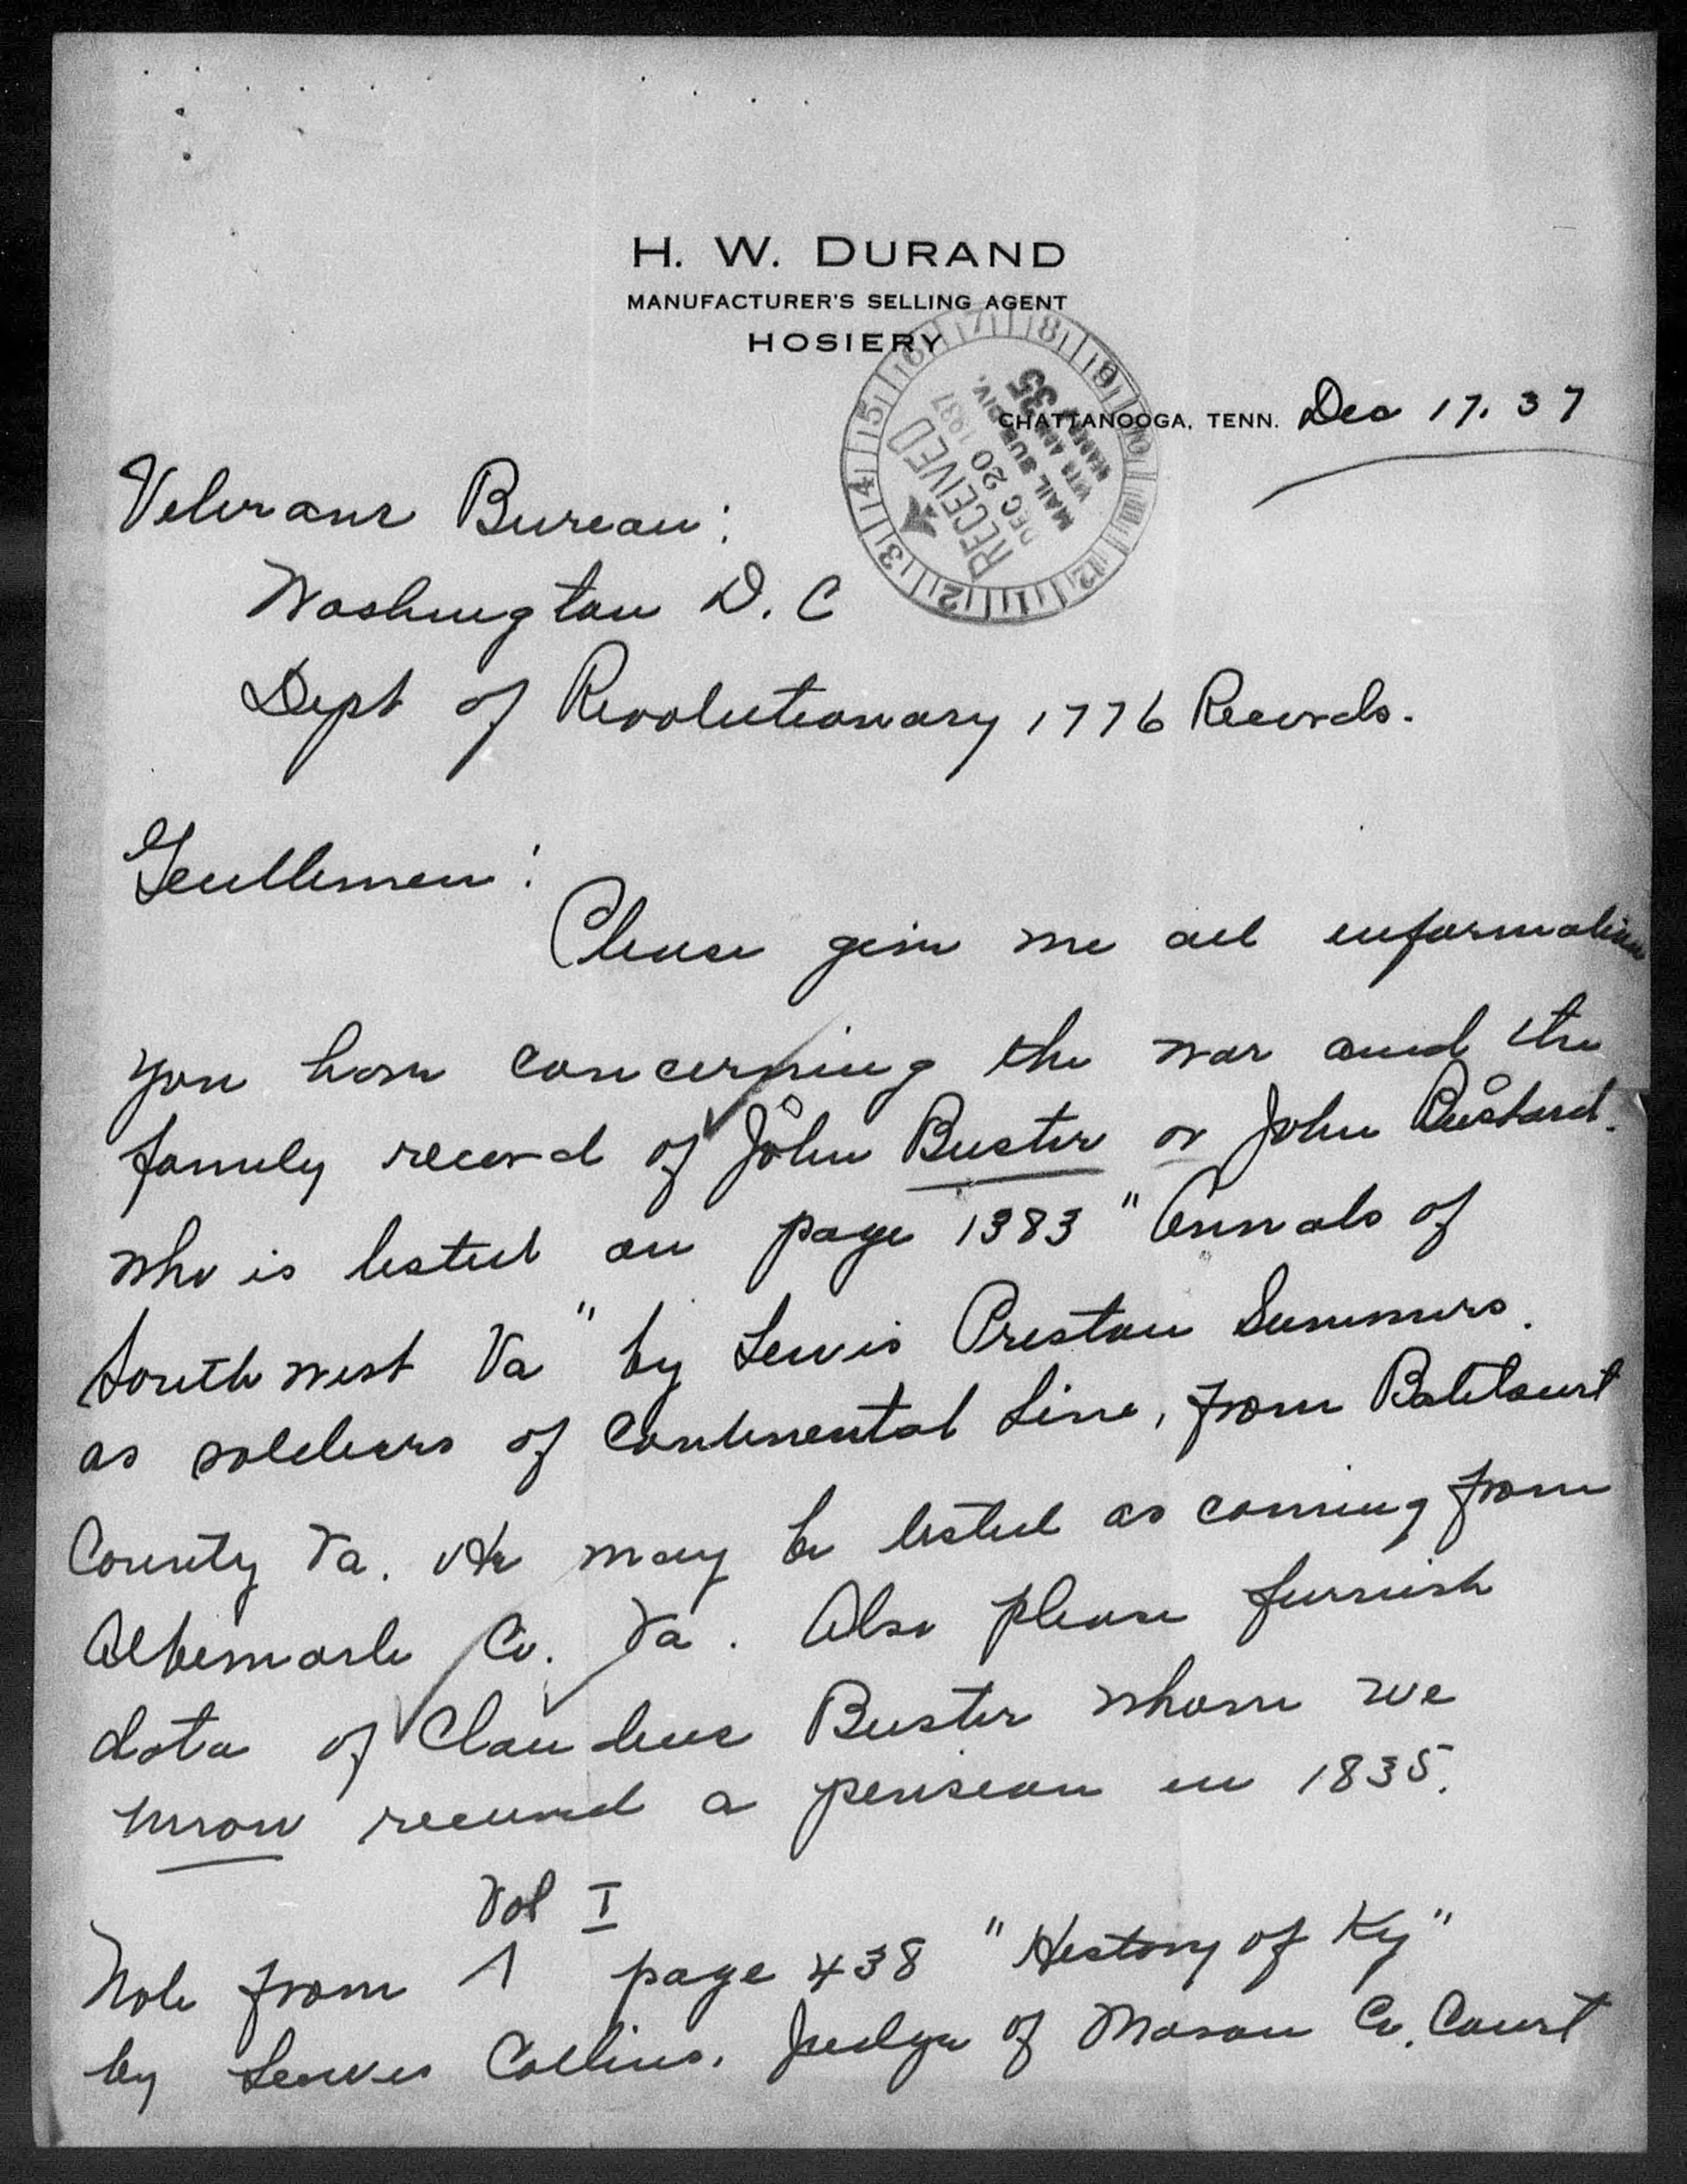H. W. DURAND
MANUFACTURER'S SELLING AGENT
HOSIERY

CHATTANOOGA, TENN.
Dec 17, 37

Veterans Bureau:
Washington D. C.
Dept of Revolutionary 1776 Records.

Gentlemen:

Please give me all information you have concerning the war and the family record of John Buster or John Bushard who is listed on page 1383 "Annals of Southwest Va" by Lewis Preston Summers as soldiers of Continental Line, from Botetourt County Va. [illegible] may be listed as coming from Albemarle Co. Va. Also please furnish data of Claudius Buster whom we know [know underlined] received a pension in 1835.


Note from ^Vol I page 438 "History of Ky" by Lewis Callius, Judge of Mason Co. Court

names: John Bustard, H W Durand, Claudius Buster, Lewis Preston Summers, Lewis Collins, John Buster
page: 54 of 71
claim: widow's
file: W. 25310, Claudius Buster, Va.